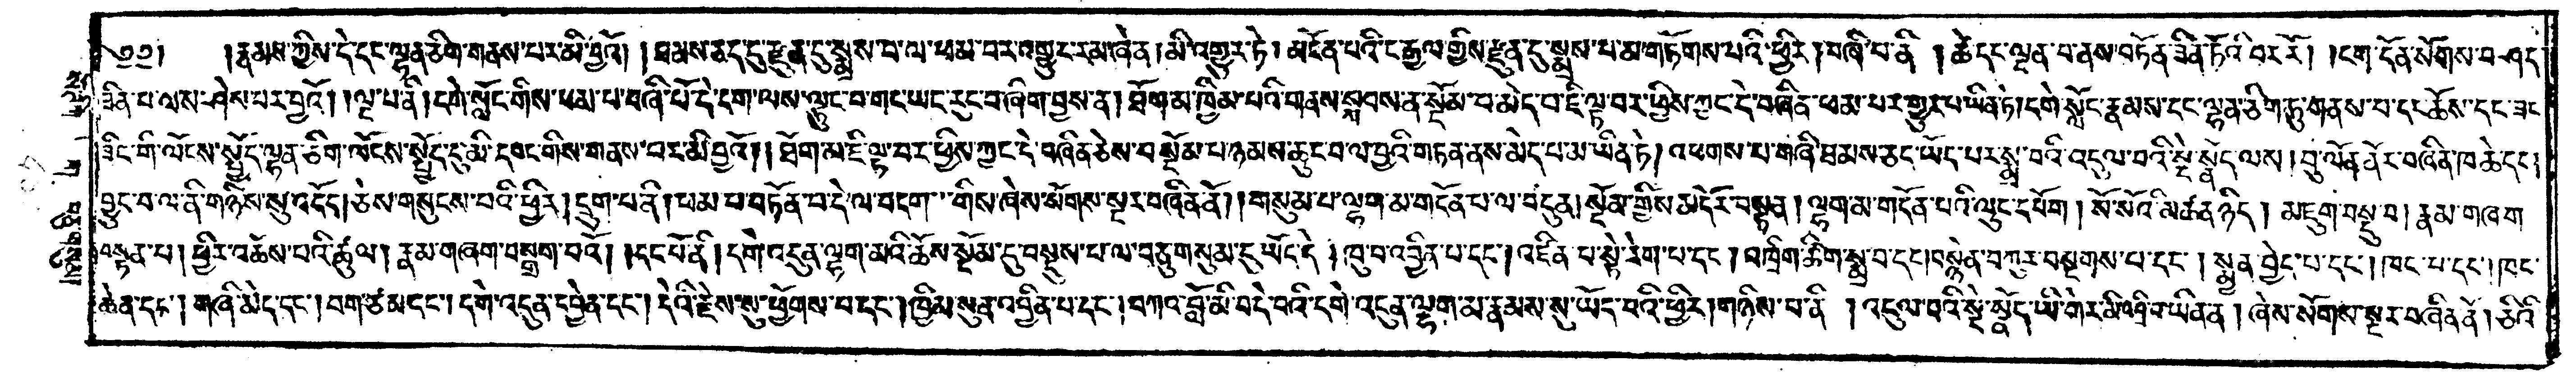༄༅། །རྣམས་ཀྱིས་དེ་དང་ལྷན་ཅིག་གནས་པར་མི་བྱའོ། །ཐམས་ཅད་དུ་རྫུན་དུ་སྨྲས་བ་ལ་ཕམ་བར་འགྱུར་རམ་ཞེ་ན། མི་འགྱུར་ཏེ། མངོན་པའི་ང་རྒྱལ་གྱིས་རྫུན་དུ་སྨྲས་པ་མ་གཏོགས་པའི་ཕྱིར། བཞི་པ་ནི། ཚེ་དང་ལྡན་པ་ནས་བཏོན་ཟིན་ཏོའི་བར་རོ། །ངག་དོན་སོགས་བཤད་
ཟིན་པ་ལས་ཤེས་པར་བྱའོ། །ལྔ་པ་ནི། དགེ་སློང་གིས་ཕམ་པ་བཞི་པོ་དེ་དག་ལས་ལྟུང་བ་གང་ཡང་རུང་བ་ཞིག་བྱས་ན། ཐོག་མ་ཁྱིམ་པའི་གནས་སྐབས་ན་སྡོམ་པ་མེད་པ་ཇི་ལྟ་བར་ཕྱིས་ཀྱང་དེ་བཞིན་ཕམ་པར་གྱུར་པ་ཡིན་ཏེ། དགེ་སློང་རྣམས་དང་ལྷན་ཅིག་ཏུ་གནས་པ་དང་ཆོས་དང་ཟང་
ཟིང་གི་ལོངས་སྤྱོད་ལྷན་ཅིག་ལོངས་སྤྱོད་དུ་མི་དབང་གིས་གནས་བར་མི་བྱའོ། །ཐོག་མ་ཇི་ལྟ་བར་ཕྱིས་ཀྱང་དེ་བཞིན་ཅེས་བསྡོམ་པ་ཉམས་ཆུང་བ་ལ་བྱའི་གཏན་ནས་མེད་པ་མ་ཡིན་ཏེ། འཕགས་པ་གཞི་ཐམས་ཅད་ཡོད་པར་སྨྲ་བའི་འདུལ་བའི་སྡེ་སྣོད་ལས། བུ་ལོན་ནོར་བཞིན་ཁ་ཆེ་དང་།
བྱུང་བ་ལ་ནི་གཉིས་སུ་འདོད། ཅེས་གསུངས་བའི་ཕྱིར། དྲུག་པ་ནི། ཕམ་བ་བཏོན་པ་དེ་ལ་བདག་གིས་ཞེས་སོགས་སྔར་བཞིན་ནོ། །གསུམ་པ་ལྷག་མ་གདོན་པ་ལ་བདུན། སྔོམ་གྱིས་མདོར་བསྟན། ལྷག་མ་གདོན་པའི་ལུང་དཔོག །སོ་སོའི་མཚན་ཉིད། མཇུག་བསྡུ་བ། རྣམ་གཞག་
བསྟན་པ། ཕྱིར་འཆོས་པའི་ཚུལ། རྣམ་གཞག་བསྒྲག་པའོ། །དང་པོ་ནི། དགེ་འདུན་ལྷག་མའི་ཆོས་སྔོམ་དུ་བསྡུས་པ་ལ་བཅུ་གསུམ་དུ་ཡོད་དེ། ཁུ་བ་འབྱིན་པ་དང་། འཛིན་པ་སྟེ་རེག་པ་དང་། འཁྲིག་ཚིག་སྨྲ་བ་དང་། བསྙེན་བཀུར་བསྔགས་པ་དང་། སྨྱན་བྱེད་པ་དང་། ཁང་པ་དང་། ཁང་
ཆེན་དང་། གཞི་མེད་དང་། བག་ཙམ་དང་། དགེ་འདུན་དབྱེན་དང་། དེའི་རྗེས་སུ་ཕྱོགས་པ་དང་། ཁྱིམ་སུན་འབྱིན་པ་དང་། བཀའ་བློ་མི་བདེ་བའི་དགེ་འདུན་ལྷག་མ་རྣམས་སུ་ཡོད་པའི་ཕྱིར། གཉིས་པ་ནི། འདུལ་བའི་སྡེ་སྣོད་ཡི་གེར་མི་འབྲི་བ་ཡིན་ན། ཞེས་སོགས་སྔར་བཞིན་ནོ། ཅིའི་